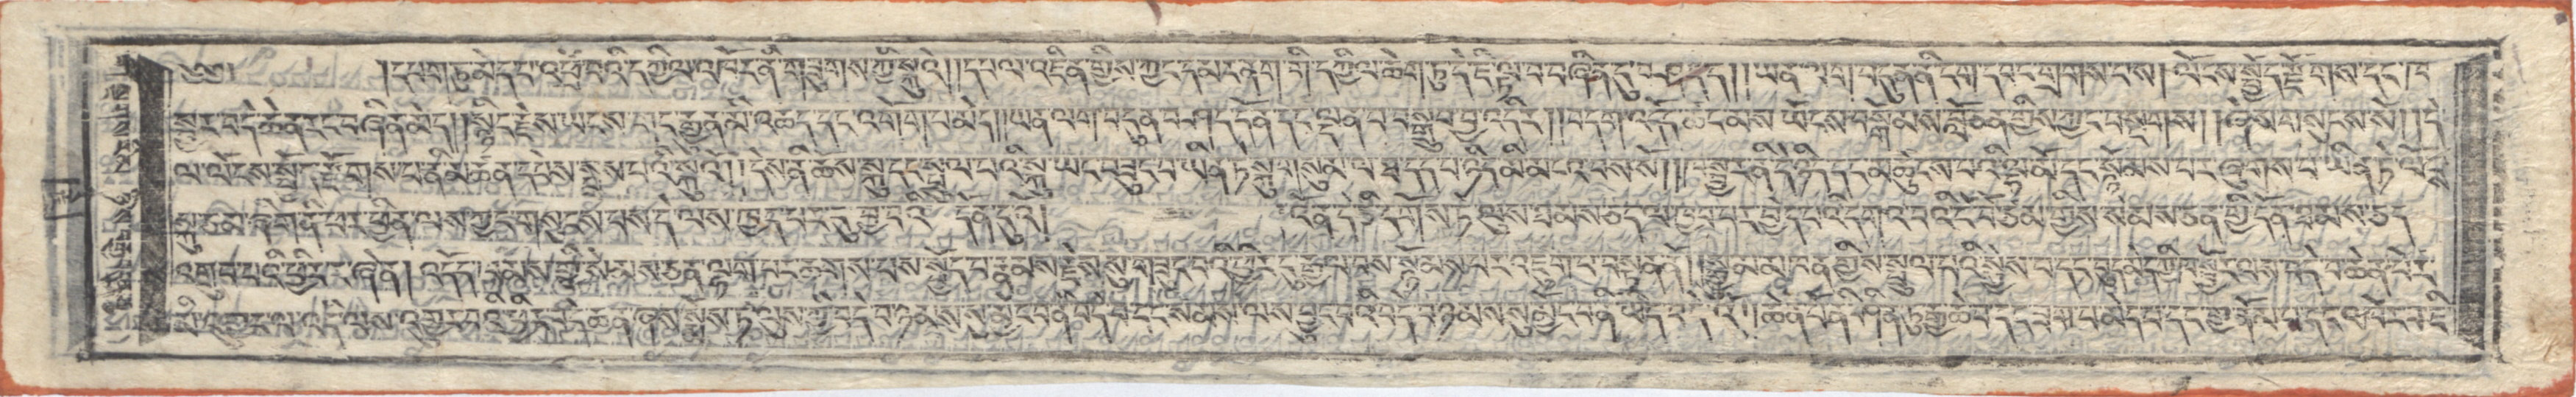༄༅། །དཔག་ཏུ་མེད་པ་འཕྲོ་བའི་དཀྱིལ་འཁོར་ནི་གཟུགས་ཀྱི་སྐུའི། །དཔལ་འཛིན་གྱིས་ཀྱང་དམར་ནག་གི་དཀྱིལ་ཆོག་ཏུ་དེ་ཇི་ལྟ་བ་བཞིན་དུ་བཤད་དོ། །ཡན་ལག་བདུན་ནི་ངག་དབང་གྲགས་པས། ལོངས་སྤྱོད་རྫོགས་དང་ཁ་
སྦྱར་བདེ་ཆེན་རང་བཞིན་མེད། །སྙིང་རྗེས་ཡངས་གང་རྒྱུན་མི་འཆད་དང་འགོག་པ་མེད། །ཡན་ལག་བདུན་བཤད་དོན་དང་ལྡན་པ་བསྒྲུབ་བྱ་འདིར། །བདག་འདོད་ཚང་མས་ཡོངས་བསྒོམས་བློ་ཅན་གྱིས་ཀྱང་བསྔགས། །ཞེས་གསུངས་སོ། །དེ་
ལ་ལོངས་སྤྱོད་རྫོགས་པ་ནི་མཚན་དཔེས་སྤྲས་པའི་སྐུའོ། །དེས་ནི་ཆོས་སྐུ་དང་སྤྲུལ་པའི་སྐུ་ཡང་བཟུང་བ་ཡིན་ཏེ་སྐུ་གསུམ་ལ་ཐ་དད་པ་ཉིད་མི་མངའ་བས་སོ། །ཁ་སྦྱར་ནི་དེ་ཉིད་དང་མཚུངས་པའི་ལྷ་མོ་དང་སྙོམས་པར་ཞུགས་པ་ཡིན་ཏེ་ལོངས་
སྐུ་ཙམ་ཞིག་ནི་ཕར་ཕྱིན་ལས་ཀྱང་གསུངས་པས་དེ་ལས་ཁྱད་པར་དུ་བྱ་བའི་དོན་དུའོ། །འོ་ན་དེ་ཅི་དགོས་ཏེ་ལུས་ཐམས་ཅད་ལ་ཁྱབ་པར་བྱེད་པའི་དགའ་བའི་ངོ་བོ་ཙམ་གྱིས་སེམས་ཅན་གྱི་དོན་ཐམས་ཅད་
འགྲུབ་པའི་ཕྱིར་རོ་ཞེ་ན། འདོད་ཁམས་ཀྱི་སེམས་ཅན་ལྷག་པར་ཆགས་པས་སྤྱོད་པ་རྣམས་རྗེས་སུ་གཟུང་བའི་ཕྱིར་དུ་རྒྱལ་བས་སྙོམས་པར་འཇུག་པ་བསྟན་ནོ། །སྒྱུ་མ་མཁན་གྱིས་སྤྲུལ་པའི་སྐྱེས་པ་དང་བུད་མེད་ཀྱི་ཁ་སྦྱོར་ལས་བདེ་བ་ཆེན་པོར་
མི་འགྱུར་ལ་འདི་ལས་འགྱུར་བའི་ཕྱིར་བདེ་ཆེན་ཞེས་སྨོས་ཏེ་ལུས་ཀྱི་བདེ་བ་ཉམས་སུ་མྱོང་བ་ནི་བདེ་བ་དང་སེམས་ལས་བྱུང་བའི་བདེ་བ་ཉམས་སུ་མྱོང་བ་ནི་ཡིད་བདེའོ། །ཆེན་པོ་ནི་ཤིན་ཏུ་རྒྱ་ཆེ་བ་དང་ཟག་པ་མེད་པ་དང་གྱ་ནོམ་པ་དང་འཁོར་བ་ཇི་